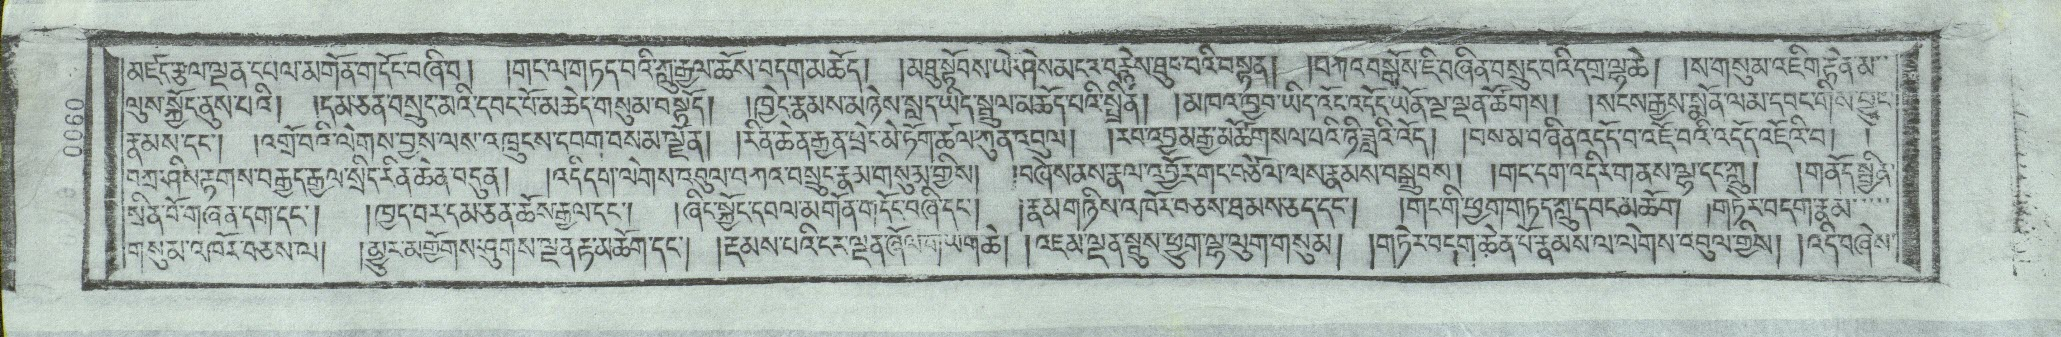མཛད་རྩལ་ལྡན་དཔལ་མགོན་གདོང་བཞི་བ། །གང་ལ་གཏད་པའི་ཀླུ་རྒྱལ་ཆོས་བདག་མཆོད། །མཐུ་སྟོབས་ཡེ་ཤེས་མངའ་བརྙེས་ཐུབ་པའི་བསྟན། །བཀའ་བསྒོས་ཇི་བཞིན་བསྲུང་བའི་དགྲ་ལྷ་ཆེ། །ས་གསུམ་འཇིག་རྟེན་མ་
ལུས་སྐྱོང་ནུས་པའི། །དམ་ཅན་བསྲུང་མའི་དབང་པོ་མཆེད་གསུམ་བསྟོད། །ཁྱེད་རྣམས་མཉེས་སླད་ཡིད་སྤྲུལ་མཆོད་པའི་སྤྲིན། །མཁའ་ཁྱབ་ཡིད་འོང་འདོད་ཡོན་ལྔ་ལྡན་ཚོགས། །སངས་རྒྱས་སྨོན་ལམ་དབང་གིས་བྱུང་
རྣམས་དང་། །འགྲོ་བའི་ལེགས་བྱས་ལས་འཁྲུངས་དབག་བསམ་ལྗོན། །རིན་ཆེན་རྒྱན་ཕྲེང་མེ་ཏོག་ཚལ་ཀུན་འབུལ། །རབ་འབྱམ་རྒྱ་མཚོགས་ལ་པའི་ཉི་ཟླའི་འོད། །བསམ་བཞིན་འདོད་པ་འཇོ་བའི་འདོད་འཇོའི་བ། །
བཀྲ་ཤིས་རྟགས་བརྒྱད་རྒྱལ་སྲིད་རིན་ཆེན་བདུན། །འདི་དག་ལེགས་འབུལ་བཀའ་བསྲུང་རྣམ་གསུམ་གྱིས། །བཞེས་ནས་རྣལ་འབྱོར་གང་བཅོལ་ལས་རྣམས་བསྒྲུབས། །གང་དག་འདིར་གནས་ལྷ་དང་ཀླུ། །གནོད་སྦྱིན་
སྲིན་པོ་གཞན་དག་དང་། །ཁྱད་པར་དམ་ཅན་ཆོས་རྒྱལ་དང་། །ཞིང་སྐྱོང་དཔལ་མགོན་གདོང་བཞི་དང་། །རྣམ་གཉིས་འཁོར་བཅས་ཐམས་ཅད་དང་། །གང་གི་ཕྱག་གཏད་ཀླུ་དབང་མཆོག །གཏེར་བདག་རྣམ་
གསུམ་འཁོར་བཅས་ལ། །མྱུར་མགྱོགས་ཤུགས་ལྡན་རྟ་མཆོག་དང་། །རྔམས་པའི་དར་ལྡན་ཞོལ་ཀ་མག་ཆེ། །འཇམ་ལྡན་སྤུས་ཕྱུག་ལྷ་ལུག་གསུམ། །གཏེར་བདག་ཆེན་པོ་རྣམས་ལ་ལེགས་འབུལ་གྱིས། །འདི་བཞེས་